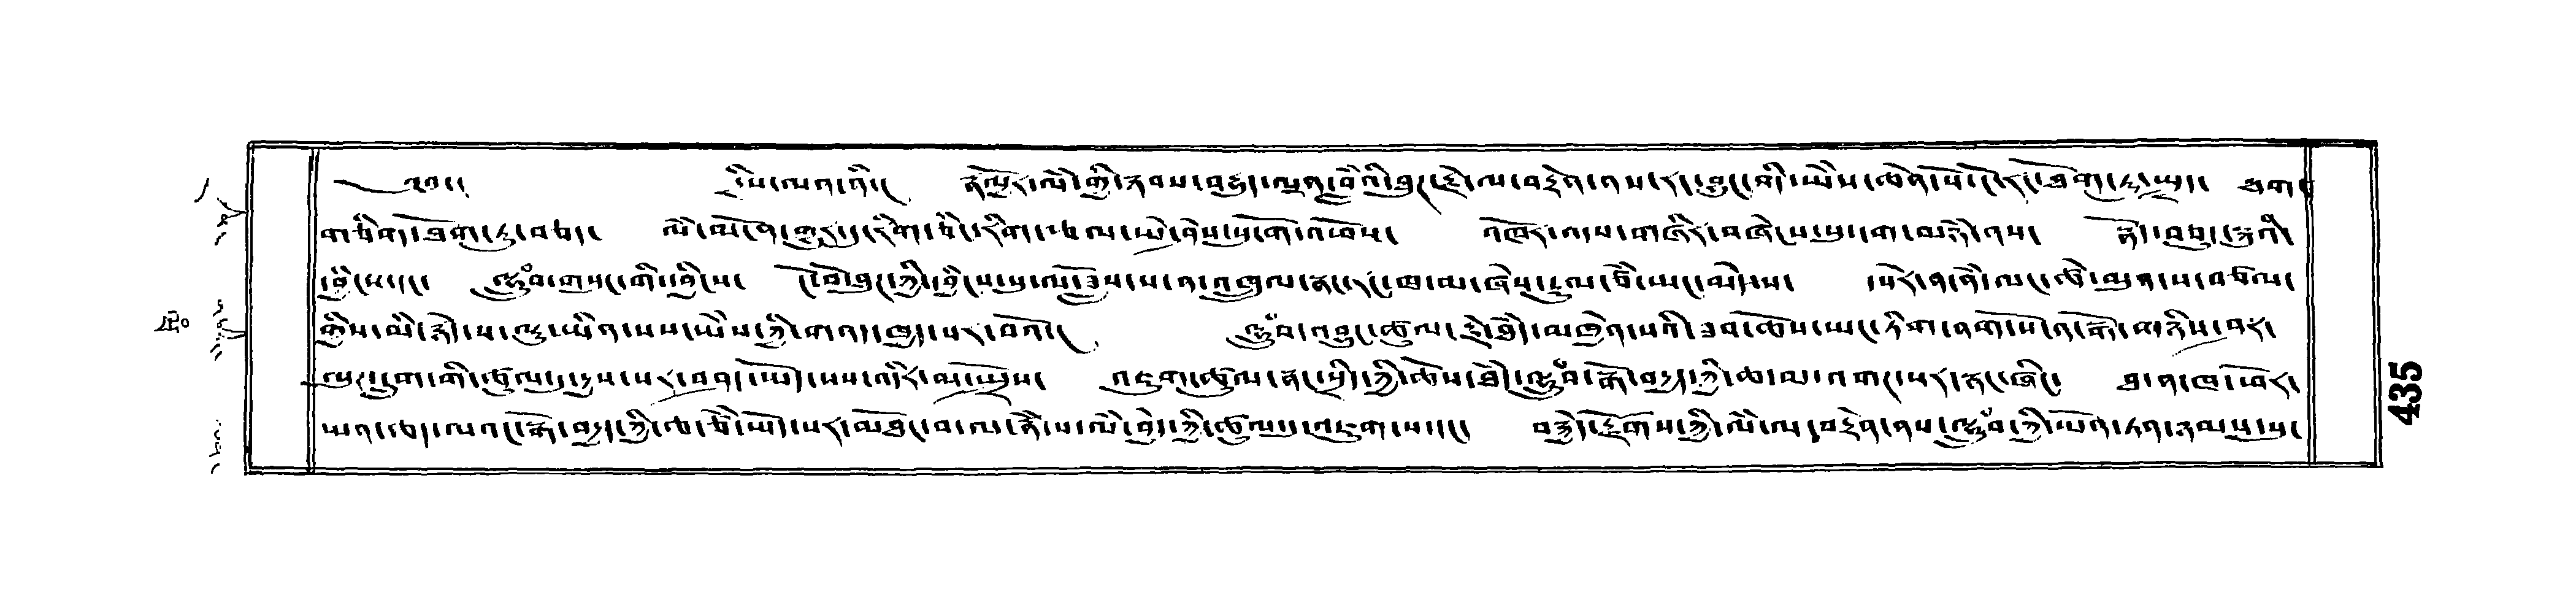དྲིས་ལན་ནི། རྣལ་འབྱོར་ལམ་གྱི་སྐབས་བརྒྱུད་ལྡན་བླ་མའི་ཐུགས་རྗེ་ལ་བརྟེན་ནས་རང་བྱུང་གི་ཡེ་ཤེས་ཆེན་པོ་ངོ་རང་ཐོག་ཏུ་སྤྲད། ཐག་
གཅིག་ཐོག་ཏུ་བཅད། ལམ་མངོན་གྱུར་དུ་རིག་ཅིང་རིག་རྩལ་ཡེ་ཤེས་སུ་གོ་འཕོས། འཁོར་འདས་གཞིར་བཞེངས་སུ་དག་མཉམ་ནས། སྣོད་བཅུད་སྐུའི་
དབྱིངས་དང་། ལྷུན་གྲུབ་གསུང་གི་དབྱིངས། ངོ་བོ་ཐུགས་ཀྱི་དབྱིངས་སུ་ལ་ཟློས་པ་ན་འཁྲུལ་སྣང་རང་ཁ་མ་ཞེས་རྡུལ་ཙམ་ཡང་མེད་པ། དཔེར་ན་ནམ་ལངས་ཚེ་མུན་པ་བཙལ་
གྱིས་མི་རྙེད་པ་ལྟ་བུ་ཡིན་པས་ཡེ་ཤེས་ཀྱི་གནད་ཁྱད་པར་བའོ། ལྷུན་གྲུབ་འབྱུང་ཚུལ་རྗེ་ཐམས་ཅད་མཁྱེན་པའི་ཟབ་ཆོས་ཡང་ཏིག་ནག་པོ་ན་སྒོ་གཉིས་ཤར་
ལུགས་དྲུག་གི་ཚུལ་དུ་རྒྱས་པར་བཤད་ཡོད་པས་འདིར་མ་སྤྲོས། འཇུག་ཚུལ་སྣང་སྲིད་ཀྱི་ཆོས་ཐམས་ཅད་ལྷུན་གྲུབ་སྒོ་བརྒྱད་ཀྱི་ཆ་མ་འགགས་པར་སྣང་ཞིང་། ཐ་ན་ཁ་ཕོར་
ཡན་ཆད་ལའང་སྒོ་བརྒྱད་ཀྱི་ཆ་ཙམ་ཡོད་པར་མཐོང་བ་ལ་རྣམ་པ་ལམ་བྱེད་ཀྱི་ཚུལ་དུ་འཇུག་པ་དང་། བསྐྱེད་རྫོགས་ཀྱི་ལམ་ལ་བརྟེན་ནས་ལྷུན་གྲུབ་ཀྱི་ཡོན་ཏན་ཉམས་སུ་